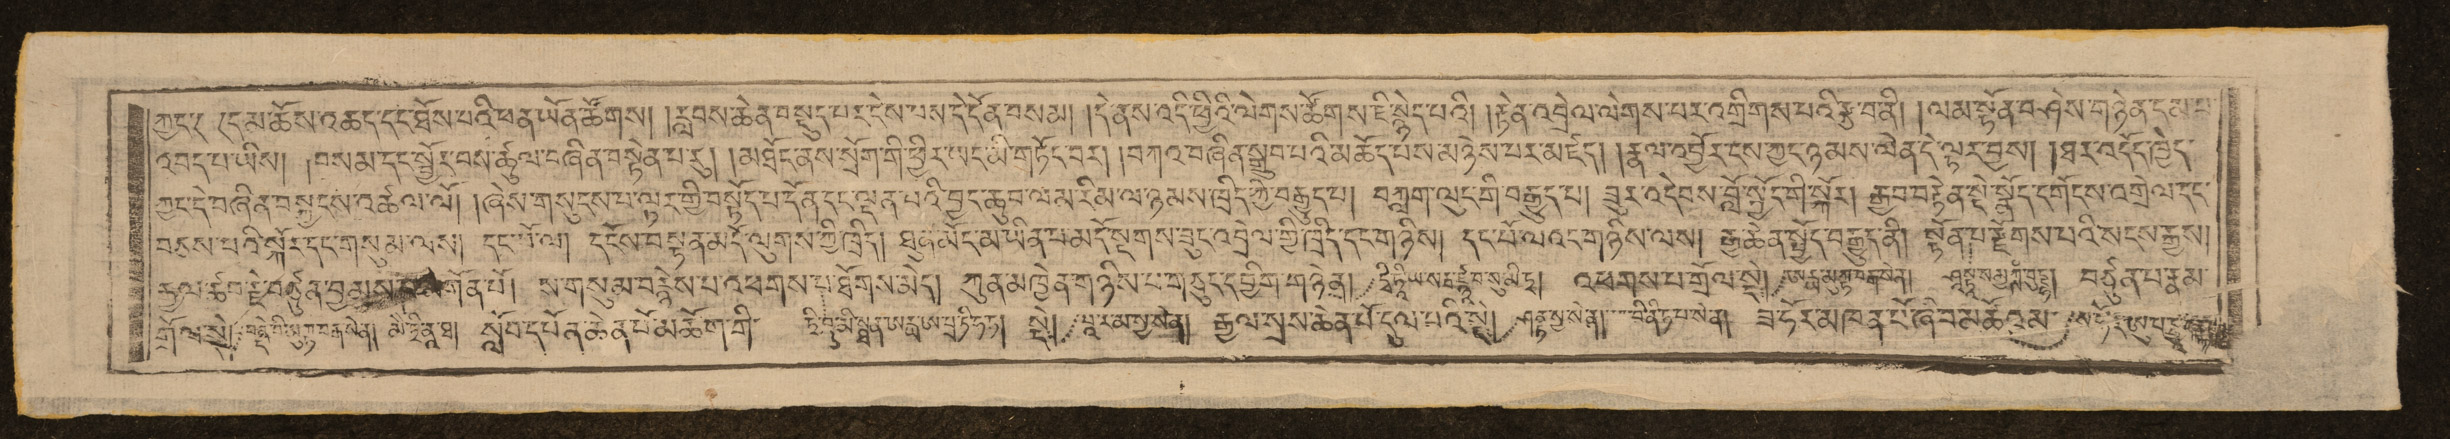ཀྱང༑ ༑དམ་ཆོས་འཆད་དང་ཐོས་པའི་ཕན་ཡོན་ཚོགས། །རླབས་ཆེན་བསྡུད་པར་ངེས་པས་དེ་དོན་བསམ། །དེ་ནས་འདི་ཕྱིའི་ལེགས་ཚོགས་ཇི་སྙེད་པའི། །རྟེན་འབྲེལ་ལེགས་པར་འགྲིགས་པའི་རྩ་བ་ནི། །ལམ་སྟོན་བཤེས་གཉེན་དམ་པ་
འདད་པ་ཡིས། །བསམ་དང་སྦྱོར་བས་ཚུལ་བཞིན་བསྟེན་པ་རུ། །མཐོང་ནས་སྲོག་གི་ཕྱིར་ཡང་མི་གཏོང་བར། །བཀའ་བཞིན་སྒྲུབ་པའི་མཆོད་པས་མཉེས་པར་མཛད། །རྣལ་འབྱོར་ངས་ཀྱང་ཉམས་ལེན་དེ་ལྟར་བྱས། །ཐར་འདོད་ཁྱད་
ཡང་དེ་བཞིན་བསྐྱངས་འཚལ་ལོ། །ཞེས་གསུངས་པ་ལྟར་གྱི་བསྟོད་པ་དོན་དང་ལྡན་པའི་བྱང་ཆུབ་ལམ་རིམ་ལ་ཉམས་ཁྲིད་ཀྱི་བརྒྱུད་པ། བཀླག་ལུང་གི་བརྒྱུད་པ། ཟུར་འདེབས་བློ་སྦྱོང་གི་སྐོར། རྒྱབ་བརྟེན་སྡེ་སྣོད་དགོངས་འགྲེལ་དང་
བཅས་པའི་སྐོར་དང་གསུམ་ལས། དང་པོ་ལ། དངོས་བསྟན་མདོ་ལུགས་ཀྱི་ཁྲིད། ཐུན་མོང་མ་ཡིན་པ་མདོ་སྔགས་ཟུང་འབྲེལ་གྱི་ཁྲིད་དང་གཉིས། དང་པོ་ལའང་གཉིས་ལས། རྒྱ་ཆེན་སྤྱོད་བརྒྱུད་ནི། སྟོན་པ་རྫོགས་པའི་སངས་རྒྱས།
རྒྱལ་ཚབ་རྗེ་བཙུན་བྱམས་པ་མགོན་པོ། ས་གསུམ་བརྙེས་པ་འཕགས་པ་ཐོགས་མེད། ཀུན་མཁྱེན་གཉིས་པ་གཅུང་དབྱིག་གཉེན། དྭི་ཏཱི་ཡ་སརྦ་ཛྙཱ་བ་སུ་མི་ཏྲ། འཕགས་པ་གྲོལ་སྡེ། ཨརྱ་མུ་ཀྟ་བརྒྱ་སེ་ན། ཤཱ་སྟས་མྱ་ཀཱ་བུདྡྷ། བཙུན་པ་རྣམ་
གྲོལ་སྡེ། བནྡེ་མི་མུ་སྟ་བ་རྒ་སེན། མཻ་ཏྲེ་ནཱ་ཐ། སློབ་དཔོན་ཆེན་པོ་མཆོག་གི། ཏི་བ་མི་སྠན་ཨརྱ་ཨ་པྲ་ཏི་ཧ་ཧ། སྡེ་པཱ་རམ་སྲ་སེ་ན། རྒྱལ་སྲས་ཆེན་པོ་དྲུལ་བའི་སྡེ། ཤནྟ་སྲ་སེ་ན། བི་ནི་ཏ་བ་སེ་ན། ཟ་ཧོར་མཁན་པོ་ཞིབ་མཚོའམ། ས་ཧོར་ཨུ་པདྱ་ཤནྟ་